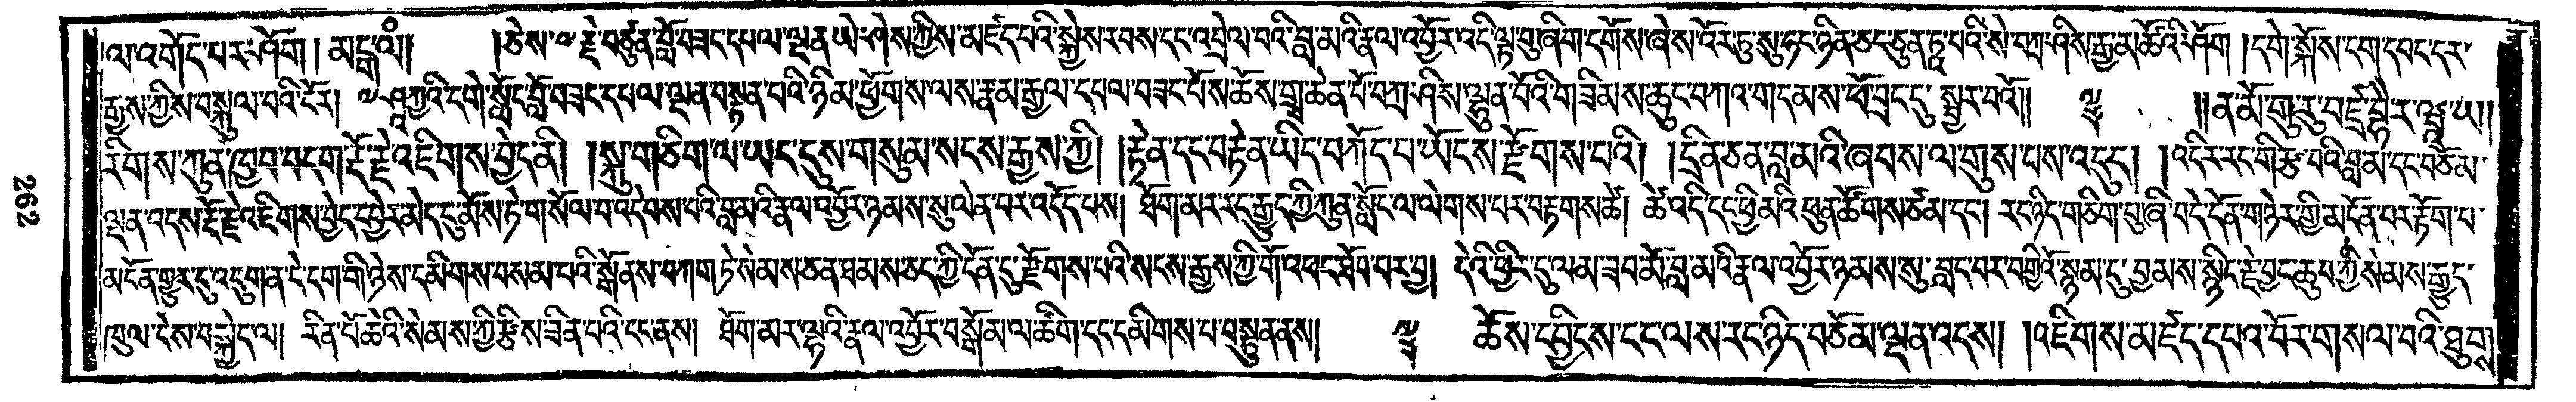ལ་འགོད་པར་ཤོག། མངྒ་ལཾ། །ཅེས་༧་རྗེ་བཙུན་བློ་བཟང་དཔལ་ལྡན་ཡེ་ཤེས་ཀྱིས་མཛད་པའི་སྐྱེས་རབས་དང་འབྲེལ་བའི་བླ་མའི་རྣལ་འབྱོར་འདི་ལྟ་བུ་ཞིག་དགོས་ཞེས་འོར་ཏུ་སུ་ཧང་ཉིན་ཅང་ཅུན་ཏཱ་པའི་སེ་བཀྲ་ཤིས་རྒྱ་མཚོའི་ཤོག །དགེ་སྐོས་ངག་དབང་དར་
རྒྱས་ཀྱིས་བསྐུལ་བའི་ངོར། ༧་ཤཱཀྱའི་དགེ་སློང་བློ་བཟང་དཔལ་ལྡན་བསྟན་པའི་ཉི་མ་ཕྱོགས་ལས་རྣམ་རྒྱལ་དཔལ་བཟང་པོས་ཆོས་གྲྭ་ཆེན་པོ་བཀྲ་ཤིས་ལྷུན་པོའི་གཟིམས་ཆུང་བཀའ་གདམས་ཕོ་བྲང་དུ་སྦྱར་བའོ།། ༈ །།ན་མོ་གུ་རུ་བཛྲ་བྷཻ་ར་ཝཱ་ཡ།
རིགས་ཀུན་ཁྱབ་བདག་རྡོ་རྗེ་འཇིགས་བྱེད་ནི། །སྐུ་གཅིག་ལ་ཡང་དུས་གསུམ་སངས་རྒྱས་ཀྱི། །རྟེན་དང་བརྟེན་ཡིད་བཀོད་པ་ཡོངས་རྫོགས་པའི། །དྲིན་ཅན་བླ་མའི་ཞབས་ལ་གུས་པས་འདུད། །འདིར་རང་གི་རྩ་བའི་བླ་མ་དང་བཅོམ་
ལྡན་འདས་རྡོ་རྗེ་འཇིགས་བྱེད་དབྱེར་མེད་དུ་མོས་ཏེ་གསོལ་བ་འདེབས་པའི་བླ་མའི་རྣལ་འབྱོར་ཉམས་སུ་ལེན་པར་འདོད་པས། ཐོག་མར་རང་རྒྱུད་ཀྱི་ཀུན་སློང་ལ་ལེགས་པར་བརྟགས་ཚེ། ཚེ་འདི་དང་ཕྱི་མའི་ཕུན་ཚོགས་ཙམ་དང་། རང་ཉིད་གཅིག་པུ་ཞི་བདེ་དོན་གཉེར་གྱི་མདོན་པར་རྟོག་པ་
མངོན་གྱུར་དུ་འདུག་ན་དེ་དག་གི་ཉེས་དམིགས་བསམ་པའི་སྒོ་ནས་བཀག་ཏེ་སེམས་ཅན་ཐམས་ཅད་ཀྱི་དོན་དུ་རྫོགས་པའི་སངས་རྒྱས་ཀྱི་གོ་འཕང་ཐོབ་པར་བྱ། དེའི་ཕྱིར་དུ་ལམ་ཟབ་མོ་བླ་མའི་རྣལ་འབྱོར་ཉམས་སུ་བླང་བར་བགྱིའོ་སྙམ་དུ་བྱམས་སྙིང་རྗེ་བྱང་ཆུབ་ཀྱི་སེམས་རྒྱུད་
ཁུལ་ངེས་བསྐྱེད་ལ། རིན་པོ་ཆེའི་སེམས་ཀྱི་རྩིས་ཟིན་པའི་ངང་ནས། ཐོག་མར་ལྷའི་རྣལ་འབྱོར་བསྒོམ་ལ་ཚིག་དང་དམིགས་པ་བསྟུན་ནས། ༈ ཆོས་དབྱིངས་ངང་ལས་རང་ཉིད་བཅོམ་ལྡན་འདས། །འཇིགས་མཛད་དཔའ་བོར་གསལ་བའི་ཐུགས་